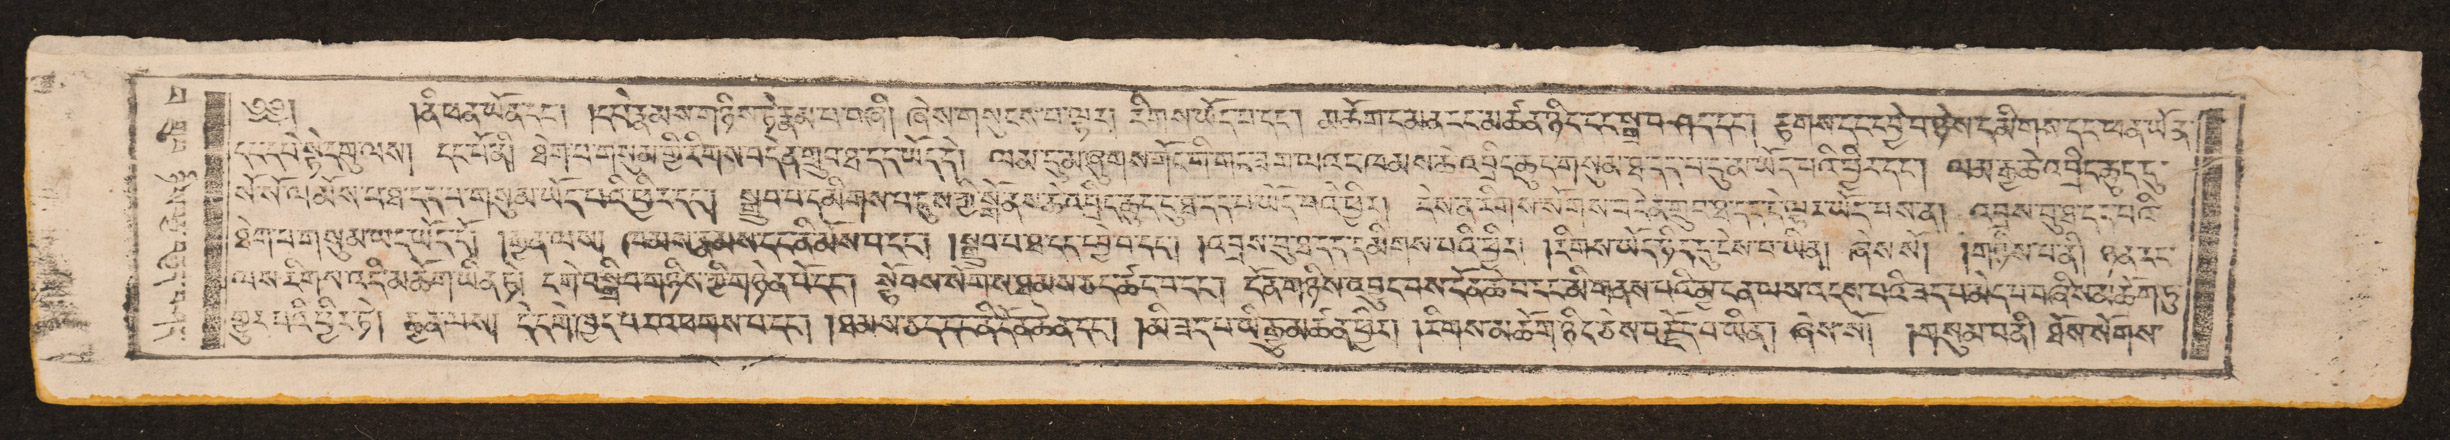༄༅། །ནི་ཕན་ཡོན་དང་། །དཔེ་རྣམས་གཉིས་ཏེ་རྣམ་པ་བཞི། ཞེས་གསུངས་པ་ལྟར། རིགས་ཡོད་པ་དང་། མཆོག་དམན་དང་མཚན་ཉིད་དང་སྒྲ་བཤད་དང་། རྟགས་དང་དབྱེ་བ་ཉེས་དམིགས་དང་ཕན་ཡོན་
དང་དཔེ་སྟེ་དགུ་ལས། དང་པོ་ནི། ཐེག་པ་གསུམ་གྱི་རིགས་བདེན་གྲུབ་ཐ་དད་ཡོད་དེ། ལམ་དུ་མ་ཞུགས་གོང་གི་གང་ཟག་ལའང་ཁམས་ཆེ་འབྲིང་ཆུང་གསུམ་ཐ་དད་པ་དུ་མ་ཡོད་པའི་ཕྱིར་དང་། ལམ་རྒྱ་ཆེ་འབྲིང་ཆུང་དུ་
སོ་སོ་ལ་མོས་པ་ཐ་དད་པ་གསུམ་ཡོད་པའི་ཕྱིར་དང་། སྒྲུབ་པ་དམིགས་པ་དུས་ཀྱི་སྒོ་ནས་ཆེ་འབྲིང་ཆུང་དུ་ཐ་དད་པ་ཡོད་པའི་ཕྱིར། དེས་ན་རིགས་སོགས་བདེན་གྲུབ་ཐ་དད་དེ་ལྟར་ཡོད་པས་ན། འབྲས་བུ་ཐ་དད་པའི་
ཐེག་པ་གསུམ་ཡང་ཡོད་དོ། །རྒྱན་ལས། ཁམས་རྣམས་དང་ནི་མོས་པ་དང་། །སྒྲུབ་པ་ཐ་དད་དབྱེ་བ་དང་། །འབྲས་བུ་ཐ་དད་དམིགས་པའི་ཕྱིར། །རིགས་ཡོད་ཉིད་དུ་ངེས་པ་ཡིན། ཞེས་སོ། །གཉིས་པ་ནི། ཉན་རང་
ལས་རིགས་འདི་མཆོག་ཡིན་ཏེ། དགེ་བསྒྲིབ་གཉིས་ཀྱི་གཉེན་པོ་དང་། སྟོབས་སོགས་ཐམས་ཅད་ཚང་བ་དང་། དོན་གཉིས་འབྱུང་བས་དོན་ཆེ་བ་དང་མི་གནས་པའི་མྱ་ངན་ལས་འདས་པའི་ཟད་པ་མེད་པ་བཞིས་མཆོག་ཏུ་
གྱུར་པའི་ཕྱིར་ཏེ། རྒྱན་ལས། དེ་དགེ་ཁྱད་པར་འཕགས་པ་དང་། །ཐམས་ཅད་དང་ནི་དོན་ཆེན་དང་། །མི་ཟད་པ་ཡི་རྒྱུ་མཚན་ཕྱིར། །རིགས་མཆོག་ཉིད་ཅེས་བརྗོད་པ་ཡིན། ཞེས་སོ། །གསུམ་པ་ནི། ཐོས་སོགས་